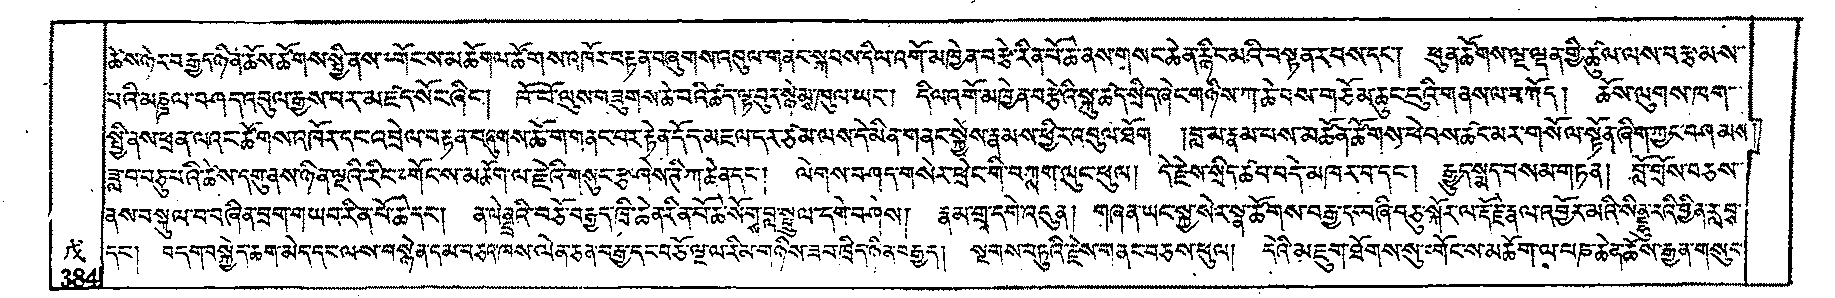ཚེས་ཉེར་བརྒྱད་ཉིན་ཆོས་ཚོགས་སྤྱི་ནས་༧གོང་ས་མཆོག་ལ་ཚོགས་འཁོར་བརྟན་བཞུགས་འབུལ་གནང་སྐབས་དིལ་འགོ་མཁྱེན་བརྩེ་རིན་པོ་ཆེ་ནས་གསང་ཆེན་རྙིང་མའི་བསྟན་རབས་དང་། ཕུན་ཚོགས་ལྔ་ལྡན་གྱི་ཚུལ་ལས་བརྩམས་
པའི་མཎྜལ་བཤད་འབུལ་རྒྱས་པར་མཛད་སོང་ཞིང་། ཁོ་བོ་ལུས་གཟུགས་ཆེ་བའི་ཚད་ལྟ་བུར་སྙེམས་ཁུལ་ཡང་། དིལ་འགོ་མཁྱེན་བརྩེའི་སྐུ་ཚད་སྲིད་ཞེང་གཉིས་ཀ་ཆེ་བས་གཅོམ་ཆུང་ངུའི་གནས་ལ་བཀོད། ཆོས་ལུགས་ཁག་
སྤྱི་ནས་ཕྲན་ལའང་ཚོགས་འཁོར་དང་འབྲེལ་བརྟན་བཞུགས་ཆོ་ག་གནང་བར་རྟེན་དོད་མཇལ་དར་ཙམ་ལས་དེ་མིན་གནང་སྐྱེས་རྣམས་ཕྱིར་འབུལ་ཐོག །བླ་མ་རྣམ་པས་མཚོན་ཚོགས་ཕེབས་ཚང་མར་གསོལ་སྟོན་ཞིག་ཀྱང་བཤམས།
ཟླ་བ་བཅུ་པའི་ཚེས་དགུ་ནས་ཉིན་ལྔའི་རིང་༧གོང་ས་མཆོག་ལ་རྗེའི་གསུང་རྩ་ཤེས་ཊིཀ་ཆེན་དང་། ལེགས་བཤད་གསེར་ཕྲེང་གི་བཀླག་ལུང་ཕུལ། དེ་རྗེས་སྲིད་ཚབ་བདེ་མཁར་བ་དང་། རྒྱུད་སྨད་བསམ་གཏན། བློ་གྲོས་བཅས་
ནས་བསྐུལ་བ་བཞིན་བྲག་གཡབ་རིན་པོ་ཆེ་དང་། ན་ལེནྡྲའི་བཅོ་བརྒྱད་ཁྲི་ཆེན་རིན་པོ་ཆེ་སོགས་བླ་སྤྲུལ་དགེ་བཤེས། རྣམ་གྲྭ་དགེ་འདུན། གཞན་ཡང་སྐྱ་སེར་སྣ་ཚོགས་བརྒྱ་དང་བཞི་བཅུ་སྐོར་ལ་རྡོ་རྗེ་རྣལ་འབྱོར་མའི་སིནྡྷུ་རའི་བྱིན་རླབས་
དང་། བདག་བསྐྱེད་ཆག་མེད་དང་ལས་བསྙེན་དམ་བཅའ་ཁས་ལེན་ཅན་བརྒྱ་དང་བཅོ་ལྔ་ལ་རིམ་གཉིས་ཟབ་ཁྲིད་ཉིན་བརྒྱད། སྔགས་བཏུའི་རྗེས་གནང་བཅས་ཕུལ། དེའི་མཇུག་ཐོགས་སུ་༧གོང་ས་མཆོག་ལ་པཎ་ཆེན་ཆོས་རྒྱན་གསུང་